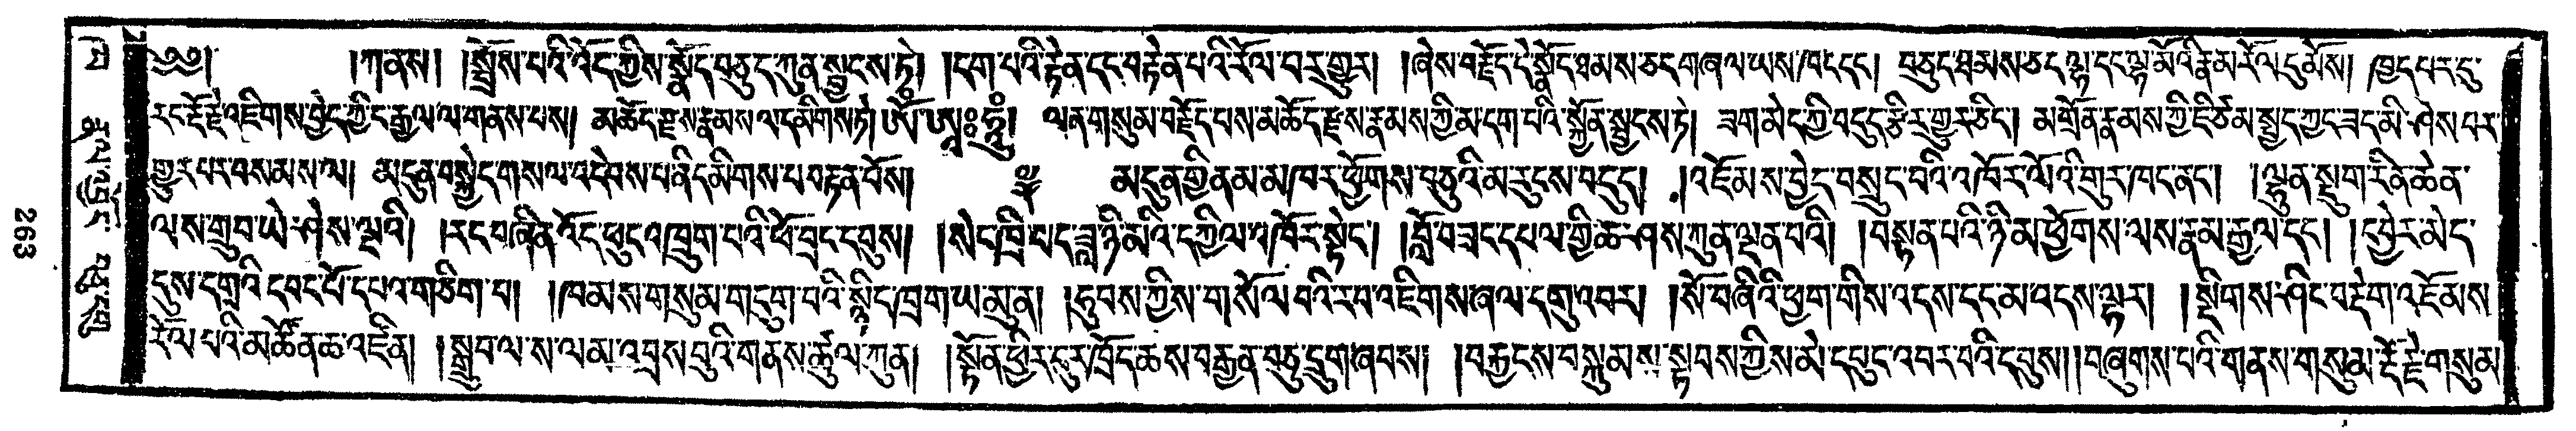༄༅། །ཀ་ནས། །སྦྲོས་པའི་འོད་ཀྱིས་སྣོད་བཅུད་ཀུན་སྦྱངས་ཏེ། །དག་པའི་རྟེན་དང་བརྟེན་པའི་རོལ་བར་གྱུར། །ཞེས་བརྗོད་དེ་སྣོད་ཐམས་ཅད་གཞལ་ཡས་ཁང་དང་། བཅུད་ཐམས་ཅད་ལྷ་དང་ལྷ་མོའི་རྣམ་རོལ་དུ་མོས། ཁྱད་པར་དུ་
རང་རྡོ་རྗེ་འཇིགས་བྱེད་ཀྱི་ང་རྒྱལ་ལ་གནས་པས། མཆོད་རྫས་རྣམས་ལ་དམིགས་ཏེ། ཨོཾ་ཨཱཿ ཧཱུཾ། ལན་གསུམ་བརྗོད་པས་མཆོད་རྫས་རྣམས་ཀྱི་མ་དག་པའི་སྐྱོན་སྦྱངས་ཏེ། ཟག་མེད་ཀྱི་བདུད་རྩིར་གྱུར་ཅིང་། མགྲོན་རྣམས་ཀྱི་ཇི་ཙམ་སྤྱད་ཀྱང་ཟད་མི་ཤེས་པར་
གྱུར་པར་བསམས་ལ། མདུན་བསྐྱེད་གསལ་འདེབས་པ་ནི་དམིགས་པ་བརྟན་བོས། ༈ མདུན་གྱི་ནམ་མཁར་ཕྱོགས་བཅུའི་མ་རུངས་བདུད། །འཇོམས་བྱེད་བསྲུང་བའི་འཁོར་ལོའི་གུར་ཁང་ནང་། །ལྷུན་སྡུག་རིན་ཆེན་
ལས་གྲུབ་ཡེ་ཤེས་ལྔའི། །རང་བཞིན་འོད་ཕུང་འཁྲུག་པའི་ཕོ་བྲང་དབུས། །སེང་ཁྲི་པད་ཟླ་ཉི་མའི་དཀྱིལ་འཁོར་སྟེང་། །བློ་བཟང་དཔལ་གྱི་ཆ་ཤས་ཀུན་ལྡན་པའི། །བསྟན་པའི་ཉི་མ་ཕྱོགས་ལས་རྣམ་རྒྱལ་དང་། །དབྱེར་མེད་
དུས་དགྲའི་དབང་པོ་དཔའ་གཅིག་པ། །ཁམས་གསུམ་གདུག་པའི་སྙིང་ཁྲག་ཡ་མུ་ན། །ཧུབས་ཀྱིས་གསོལ་བའི་རབ་འཇིགས་ཞལ་དགུ་འབར། །སོ་བཞིའི་ཕྱག་གིས་འདས་དང་མ་འདས་ལྷར། །སྡིགས་ཤིང་བརྡེག་འཇོམས་
རོལ་པའི་མཚོན་ཆ་འཛིན། །སྒྲུབ་ལ་ས་ལམ་འབྲས་བུའི་གནས་ཚུལ་ཀུན། །སྟོན་ཕྱིར་དུར་ཁྲོད་ཆས་བརྒྱན་བཅུ་དྲུག་ཞབས། །བརྐྱངས་བསྐུམས་སྟབས་ཀྱིས་མེ་དཔུང་འབར་བའི་དབུས། །བཞུགས་པའི་གནས་གསུམ་རྡོ་རྗེ་གསུམ་